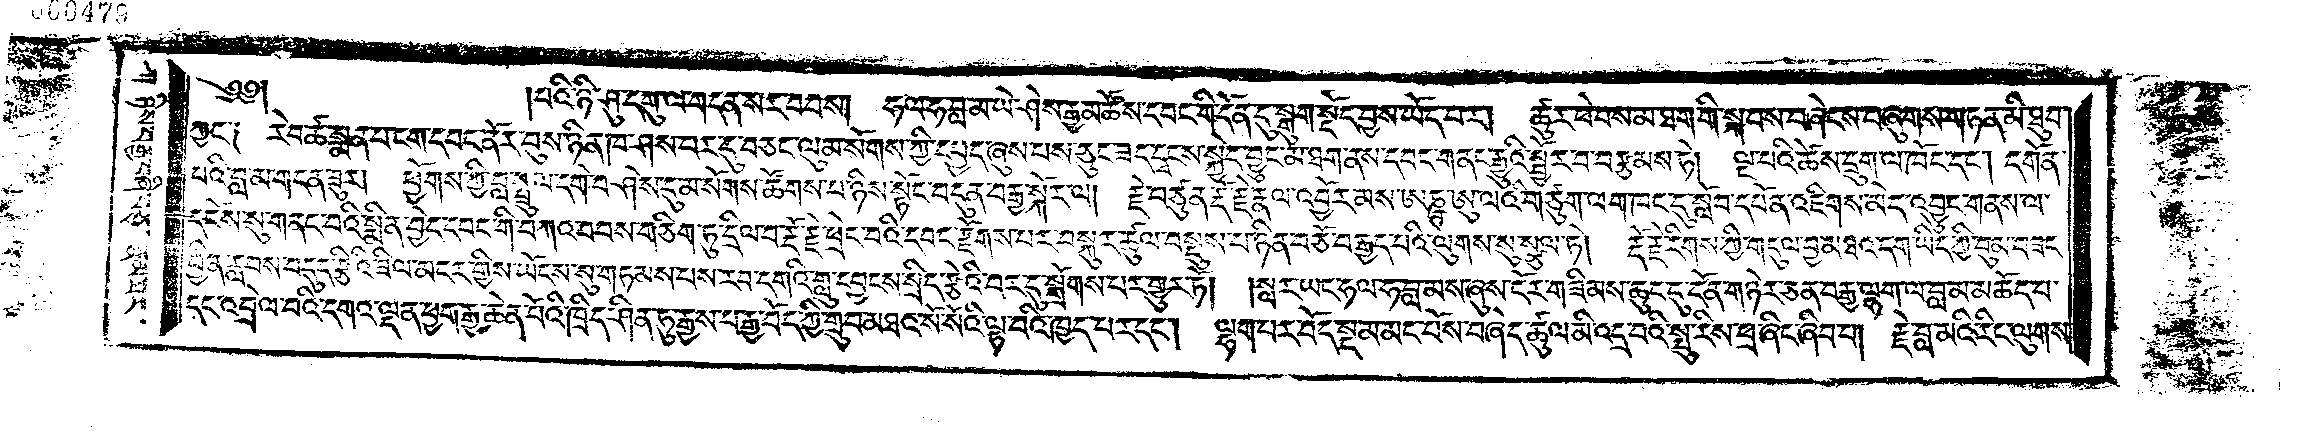༄༅། །བའི་ཉི་ཤུ་དགུ་ལ་གདན་སར་བབས། ཧལ་ཧ་བླ་མ་ཡེ་ཤེས་རྒྱ་མཚོས་དབང་གི་དོན་དུ་སྒུག་སྡོང་བྱས་ཡོད་པར། ཚུར་ཕེབས་མ་ཐག་གི་སྐབས་བཞེངས་བཞུགས་གཏན་མི་ཐུབ་
ཀྱང༑ རེབ་ཚ་སྨན་པ་ངག་དབང་ནོར་བུས་ཉིན་ཁ་ཤས་བར་དུ་བཅང་ལུམ་སོགས་ཀྱི་དཔྱད་ཞུས་པས་ཅུང་ཟད་དྭངས་སྐྱེད་བྱུང་མ་ཐག་ནས་དབང་གནང་རྒྱུའི་སྦྱོར་བ་བརྩམས་ཏེ། ལྔ་པའི་ཚེས་དྲུག་ལ་ཁོང་དང་། དགོན་
པའི་བླ་མ་གདན་ཟུར། ཕྱོགས་ཀྱི་བླ་སྤྲུལ་དགེ་བཤེས་དུ་མ་སོགས་ཚོགས་པ་ཉིས་སྟོང་བདུན་བརྒྱ་སྐོར་ལ། རྗེ་བཙུན་རྡོ་རྗེ་རྣལ་འབྱོར་མས་ཨཎྚ་ཨུ་ལའི་གཙུག་ལག་ཁང་དུ་སློབ་དཔོན་འཇིགས་མེད་འབྱུང་གནས་ལ་
དངོས་སུ་གནང་བའི་སྨིན་བྱེད་དབང་གི་བཀའ་བབས་གཅིག་ཏུ་དྲིལ་བ་རྡོ་རྗེ་ཕྲེང་བའི་དབང་རྫོགས་པར་བསྐུར་ཚུལ་བསྡུས་པ་ཉིན་བཅོ་བརྒྱད་པའི་ལུགས་སུ་སྩལ་ཏེ། རྡོ་རྗེ་རིགས་ཀྱི་གདུལ་བྱ་མཐའ་དག་ཡིད་ཀྱི་བུམ་བཟང་
བྱིན་རླབས་བདུད་རྩིའི་ཟིལ་མངར་གྱིས་ཡོངས་སུ་གཏམས་པས་རབ་དགའི་གླུ་དབྱངས་སྲིད་རྩེའི་བར་དུ་སྒྲོགས་པར་གྱུར་ཏོ། །སླར་ཡང་ཧལ་ཧ་བླ་མས་ཞུས་ངོར་གཟིམས་ཆུང་དུ་དོན་གཉེར་ཅན་བརྒྱ་ལྷག་ལ་བླ་མ་མཆོད་པ་
དང་འབྲེལ་བའི་དགའ་ལྡན་ཕྱག་རྒྱ་ཆེན་པོའི་ཁྲིད་ཤིན་ཏུ་རྒྱས་པ་རྒྱ་བོད་ཀྱི་གྲུབ་མཐའ་སོ་སོའི་ལྟ་བའི་ཁྱད་པར་དང་། ལྷག་པར་བོད་སྔ་མ་མང་པོས་བཞེད་ཚུལ་མི་འདྲ་བའི་སྤུ་རིས་ཕྲ་ཞིང་ཞིབ་པ། རྗེ་བླ་མའི་རིང་ལུགས་